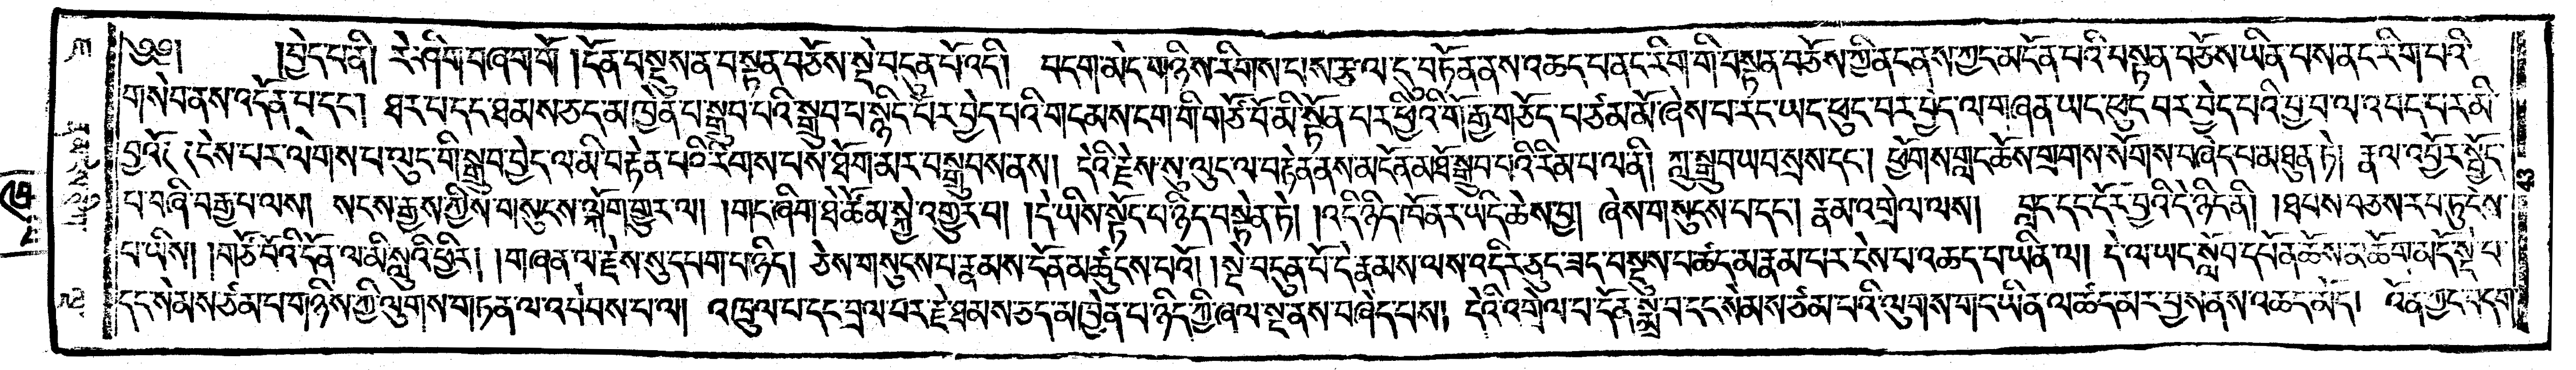༄༅། །བྱེད་པ་ནི། རེ་ཤིག་བཞག་གོ །དོན་བསྡུས་ན་བསྟན་བཅོས་སྡེ་བདུན་པོ་འདི། བདག་མེད་གཉིས་རིགས་པས་རྩལ་དུ་བཏོན་ནས་འཆད་པ་ནད་རིག་གི་བསྟན་བཅོས་ཀྱི་ནང་ནས་ཀྱང་མངོན་པའི་བསྟན་བཅོས་ཡིན་པས་ནང་རིག་པའི་
གསེབ་ནས་འདོན་པ་དང་། ཐར་པ་དང་ཐམས་ཅད་མཁྱེན་པ་སྒྲུབ་པའི་སྒྲུབ་པ་སྙིང་པོར་བྱེད་པའི་གདམས་ངག་གི་གཙོ་བོ་མི་སྟོན་པར་ཕྱིའི་གོ་རྒྱ་གཅོད་པ་ཙམ་མོ་ཞེས་པ་རང་ཡང་ཕུང་བར་བྱེད་ལ་གཞན་ཡང་ཕུང་བར་བྱེད་པའི་བྱ་བ་ལ་འབད་པར་མི་
བྱའོ། །ངེས་པར་ལེགས་པ་ལུང་གི་སྒྲུབ་བྱེད་ལ་མི་བརྟེན་པའི་རིགས་པས་ཐོག་མར་བསྒྲུབས་ནས། དེའི་རྗེས་སུ་ལུང་ལ་བརྟེན་ནས་མངོན་མཐོ་སྒྲུབ་པའི་རིམ་པ་ལ་ནི། ཀླུ་སྒྲུབ་ཡབ་སྲས་དང་། ཕྱོགས་གང་ཆོས་གྲགས་སོགས་བཞེད་པ་མཐུན་ཏེ། རྣལ་འབྱོར་སྤྱོད་
པ་བཞི་བརྒྱ་པ་ལས། སངས་རྒྱས་ཀྱིས་གསུངས་ལྐོག་གྱུར་ལ། །གང་ཞིག་ཐེ་ཚོམ་སྐྱེ་འགྱུར་བ། །དེ་ཡིས་སྟོང་པ་ཉིད་བསྟེན་ཏེ། །འདི་ཉིད་ཁོ་ནར་ཡིད་ཆེས་བྱ། ཞེས་གསུངས་པ་དང་། རྣམ་འགྲེལ་ལས། བླང་དང་དོར་བྱའི་དེ་ཉིད་ནི། །ཐབས་བཅས་རབ་ཏུ་ངེས་
པ་ཡིས། །གཙོ་བོའི་དོན་ལ་མི་སླུའི་ཕྱིར། །གཞན་ལ་རྗེས་སུ་དཔག་པ་ཉིད། ཅེས་གསུངས་པ་རྣམས་དོན་མཚུངས་པའོ། །སྡེ་བདུན་པོ་དེ་རྣམས་ལས་འདིར་ཅུང་ཟད་བསྡུས་པ་ཚད་མ་རྣམས་པར་ངེས་པ་འཆད་པ་ཡིན་ལ། དེ་ལ་ཡང་སློབ་དཔོན་ཆོས་མཆོག་མདོ་སྡེ་པ་
དང་སེམས་ཙམ་པ་གཉིས་ཀྱི་ལུགས་གཏན་ལ་འབེབས་པ་ལ། འཁྲུལ་པ་དང་བྲལ་བར་རྗེ་ཐམས་ཅད་མཁྱེན་པ་ཉིད་ཀྱི་ཞལ་སྔ་ནས་བཞེད་པས། དེའི་འགྲེལ་པ་དོན་སྨྲ་བ་དང་སེམས་ཙམ་པའི་ལུགས་གང་ཡིན་ལ་ཚད་མར་བྱས་ནས་འཆད་མོད། འོན་ཀྱང་བདག་